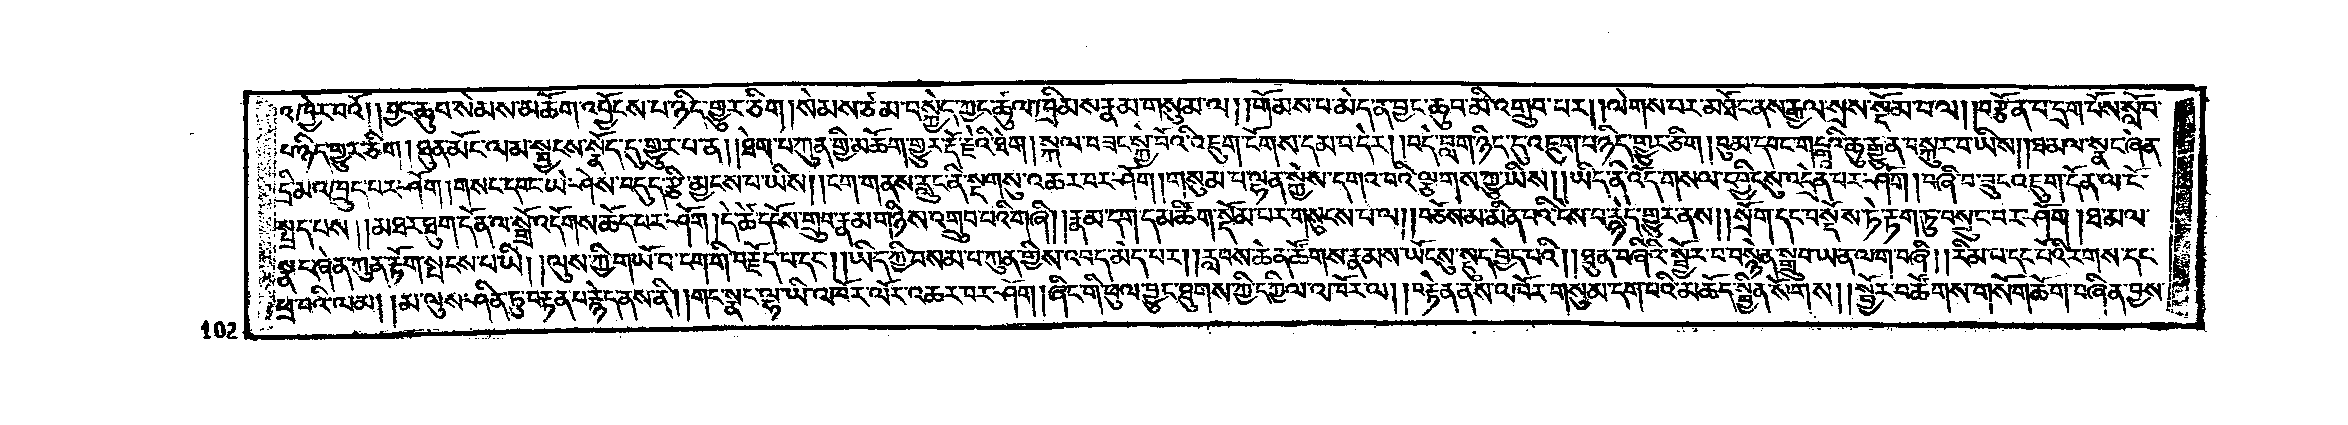འཁྱེར་བའི། །བྱང་ཆུབ་སེམས་མཆོག་འབྱོངས་པ་ཉིད་གྱུར་ཅིག །སེམས་ཙམ་བསྐྱེད་ཀྱང་ཚུལ་ཁྲིམས་རྣམ་གསུམ་ལ། །གོམས་པ་མེད་ན་བྱང་ཆུབ་མི་འགྲུབ་པར། །ལེགས་པར་མཐོང་ནས་རྒྱལ་སྲས་སྡོམ་པ་ལ། །བརྩོན་པ་དྲག་པོས་སློབ་
པ་ཉིད་གྱུར་ཅིག །ཐུན་མོང་ལམ་སྦྱངས་སྣོད་དུ་གྱུར་བ་ན། །ཐེག་པ་ཀུན་གྱི་མཆོག་གྱུར་རྡོ་རྗེའི་ཐེག །སྐལ་བཟང་སྐྱེ་བོའི་འཇུག་ངོགས་དམ་པ་དེར། །བདེ་བླག་ཉིད་དུ་འཇུག་པ་ཉིད་གྱུར་ཅིག །བུམ་དབང་གངྒཱའི་ཆུ་རྒྱུན་བསྐུར་པ་ཡིས། །ཐ་མལ་སྣང་ཞེན་
དྲི་མ་འཁྲུད་པར་ཤོག །གསང་དབང་ཡེ་ཤེས་བདུད་རྩི་མྱངས་པ་ཡིས། །ངག་གནས་རླུང་ནི་སྔགས་སུ་འཆར་བར་ཤོག །གསུམ་པ་ལྷན་སྐྱེས་དགའ་བའི་ལྕགས་ཀྱུ་ཡིས། །ཡིད་ནི་འོད་གསལ་དབྱིངས་སུ་འདྲེན་པར་ཤོག །བཞི་བ་ཟུང་འཇུག་དོན་ལ་ངོ་
སྤྲད་པས། །མཐར་ཐུག་དོན་ལ་སྒྲོ་འདོགས་ཆོད་པར་ཤོག །དེ་ཚེ་དངོས་གྲུབ་རྣམ་གཉིས་འགྲུབ་པའི་གཞི། །རྣམ་དག་དམ་ཚིག་སྡོམ་པར་གསུངས་པ་ལ། །བཅོས་མ་མིན་པའི་ངེས་བ་རྙེད་གྱུར་ནས། །སྲོག་དང་བསྡོས་ཏེ་རྟག་ཏུ་བསྲུང་བར་ཤོག །ཐ་མལ་
སྣང་ཞེན་ཀུན་རྟོག་སྤངས་པ་ཡི། །ལུས་ཀྱི་གཡོ་བ་ངག་གི་བརྗོད་པ་དང་། །ཡིད་ཀྱི་བསམ་པ་ཀུན་གྱིས་འབད་མེད་པར། །རླབས་ཆེན་ཚོགས་རྣམས་ཡོངས་སུ་སྡུད་བྱེད་པའི། །ཐུན་བཞིའི་སྦྱོར་བ་བསྙེན་སྒྲུབ་ཡན་ལག་བཞི། །རིམ་པ་དང་པོའི་རགས་དང་
ཕྲ་བའི་ལམ། །མ་ལུས་ཤིན་ཏུ་བརྟན་པ་རྙེད་ནས་ནི། །གང་སྣང་ལྷ་ཡི་འཁོར་ལོར་འཆར་བར་ཤོག །ཞིང་གི་ཕུལ་བྱུང་ཐུགས་ཀྱི་དཀྱིལ་འཁོར་ལ། །བརྟེན་ནས་འཁོར་གསུམ་དག་པའི་མཆོད་སྦྱིན་སོགས། །སྦྱོར་བ་ཚོགས་གསོག་ཆོ་ག་བཞིན་བྱས་